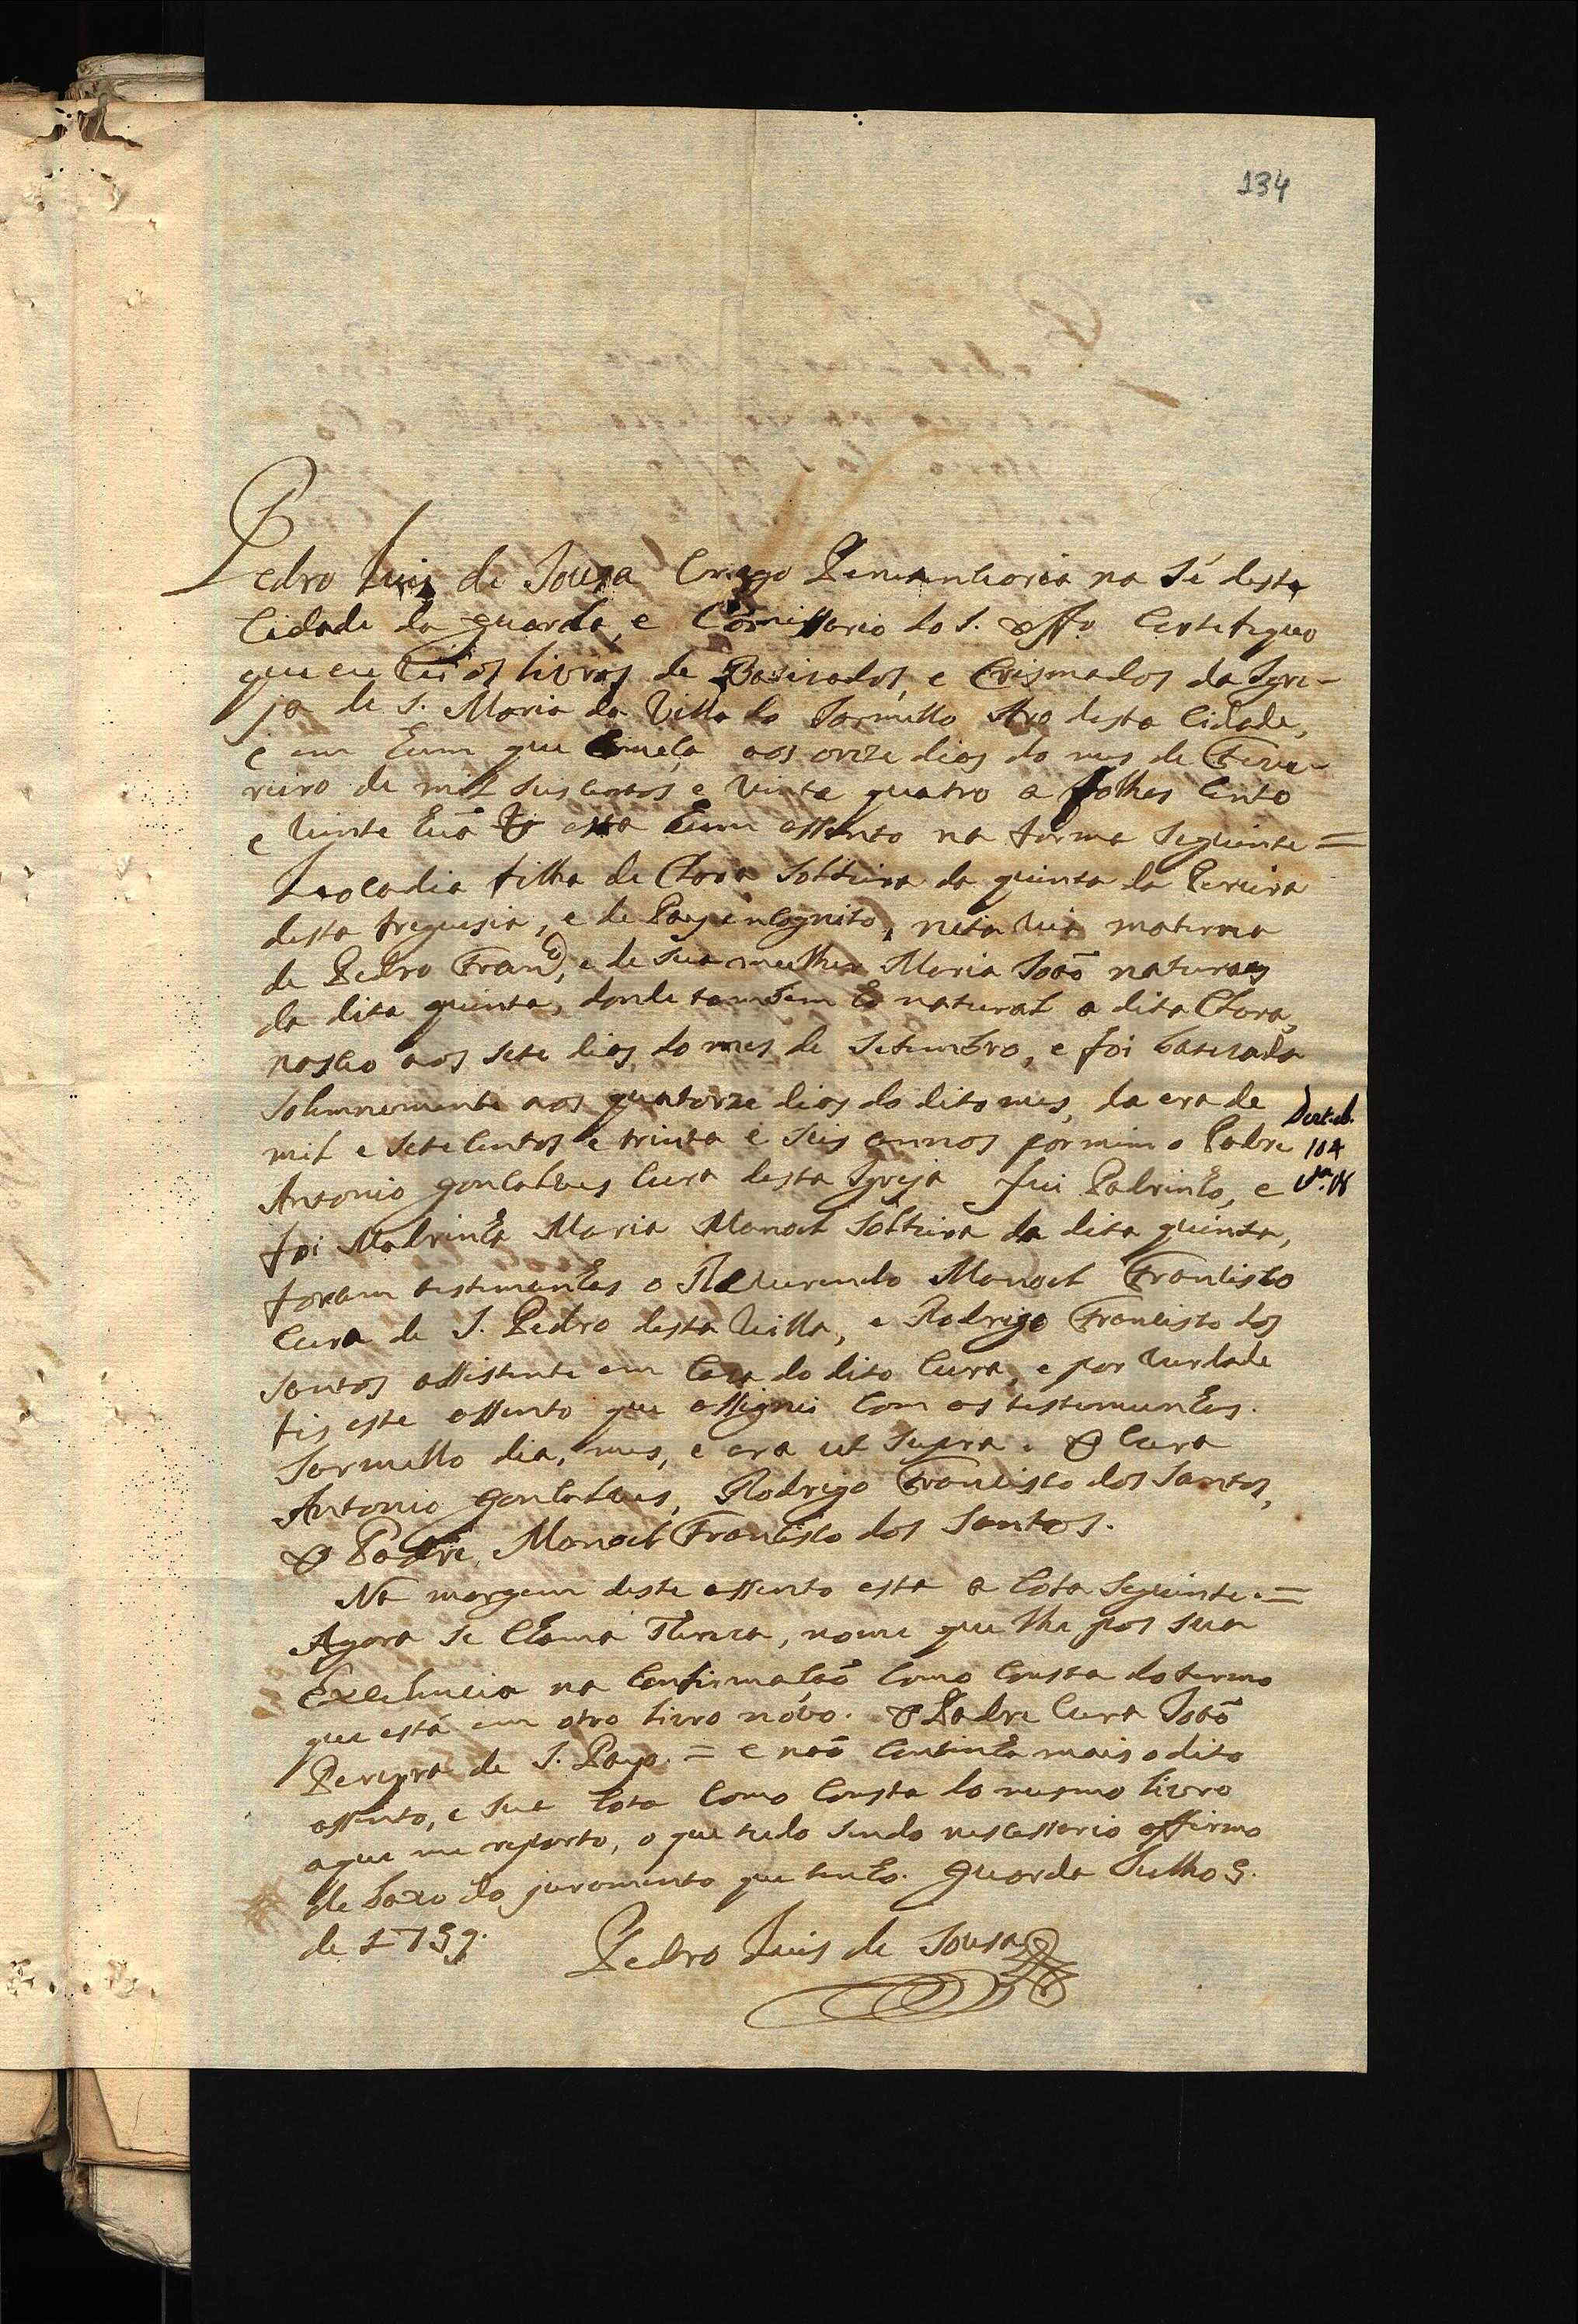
Pedro Luis de Sousa Conego Penitenciario na Sé desta
Cidade da Guarda, e Comissario do s. off.o Certefiquo
que eu li os livros de Batizados, e Crismados da Igre
ja de S. Maria da Villa do Iarmello Aro desta Cidade,
e em hum que Começa aos onze dias do mes de Feve
reiro de mil seiscentos e vinte quatro a folhas cento
e vinte huā V̄ esta hum assento na forma seguinte
Leocadia filha de Clara solteira da quinta da Pereira
desta freguesia, e de Pay incognito, neta via materna
de Pedro Fran,co e de sua mulher Maria Ioaõ naturaes
da dita quinta, donde tambem he natural a dita Clara,
nasceo aos sete dias do mes de Setembro, e foi batizada
Solemnemente aos quatorze dias do dito mes, da era de
mil e setecentos e trinta e seis annos por mim o Padre
Antonio goncalves Cura desta Igreja fui Padrinho, e
foi Madrinha Maria Manoel solteira da dita quinta,
foram testemunhas o Reuerendo Manoel Francisco
Cura de S. Pedro desta Villa, e Rodrigo Francisco dos
Santos assistente em Caza do dito Cura, e por verdade
fis este assento que assignei Com as testemunhas.
Iermello dia, mes, e era ut supra. O Cura
Antonio Goncalves, Rodrigo Francisco dos Santos,
O Padre Manoel FranCisco dos Santos.
Na margem deste assento esta a Cota seguinte. =
Agora se Chama Thereza, nome que lhe pos sua
Exelencia na Confirmaçaõ Como Consta do termo
que está em otro Livro novo. O Padre Cura Ioaõ
Pereyra de S. Payo. = e naõ continha mais o dito
assento, e sua cota Como Consta do mesmo Livro
a que me reporto, o que tudo sendo nescessario affirmo
debaxo do juramento que tenho. Guarda Iulho 5.
de 1759.
